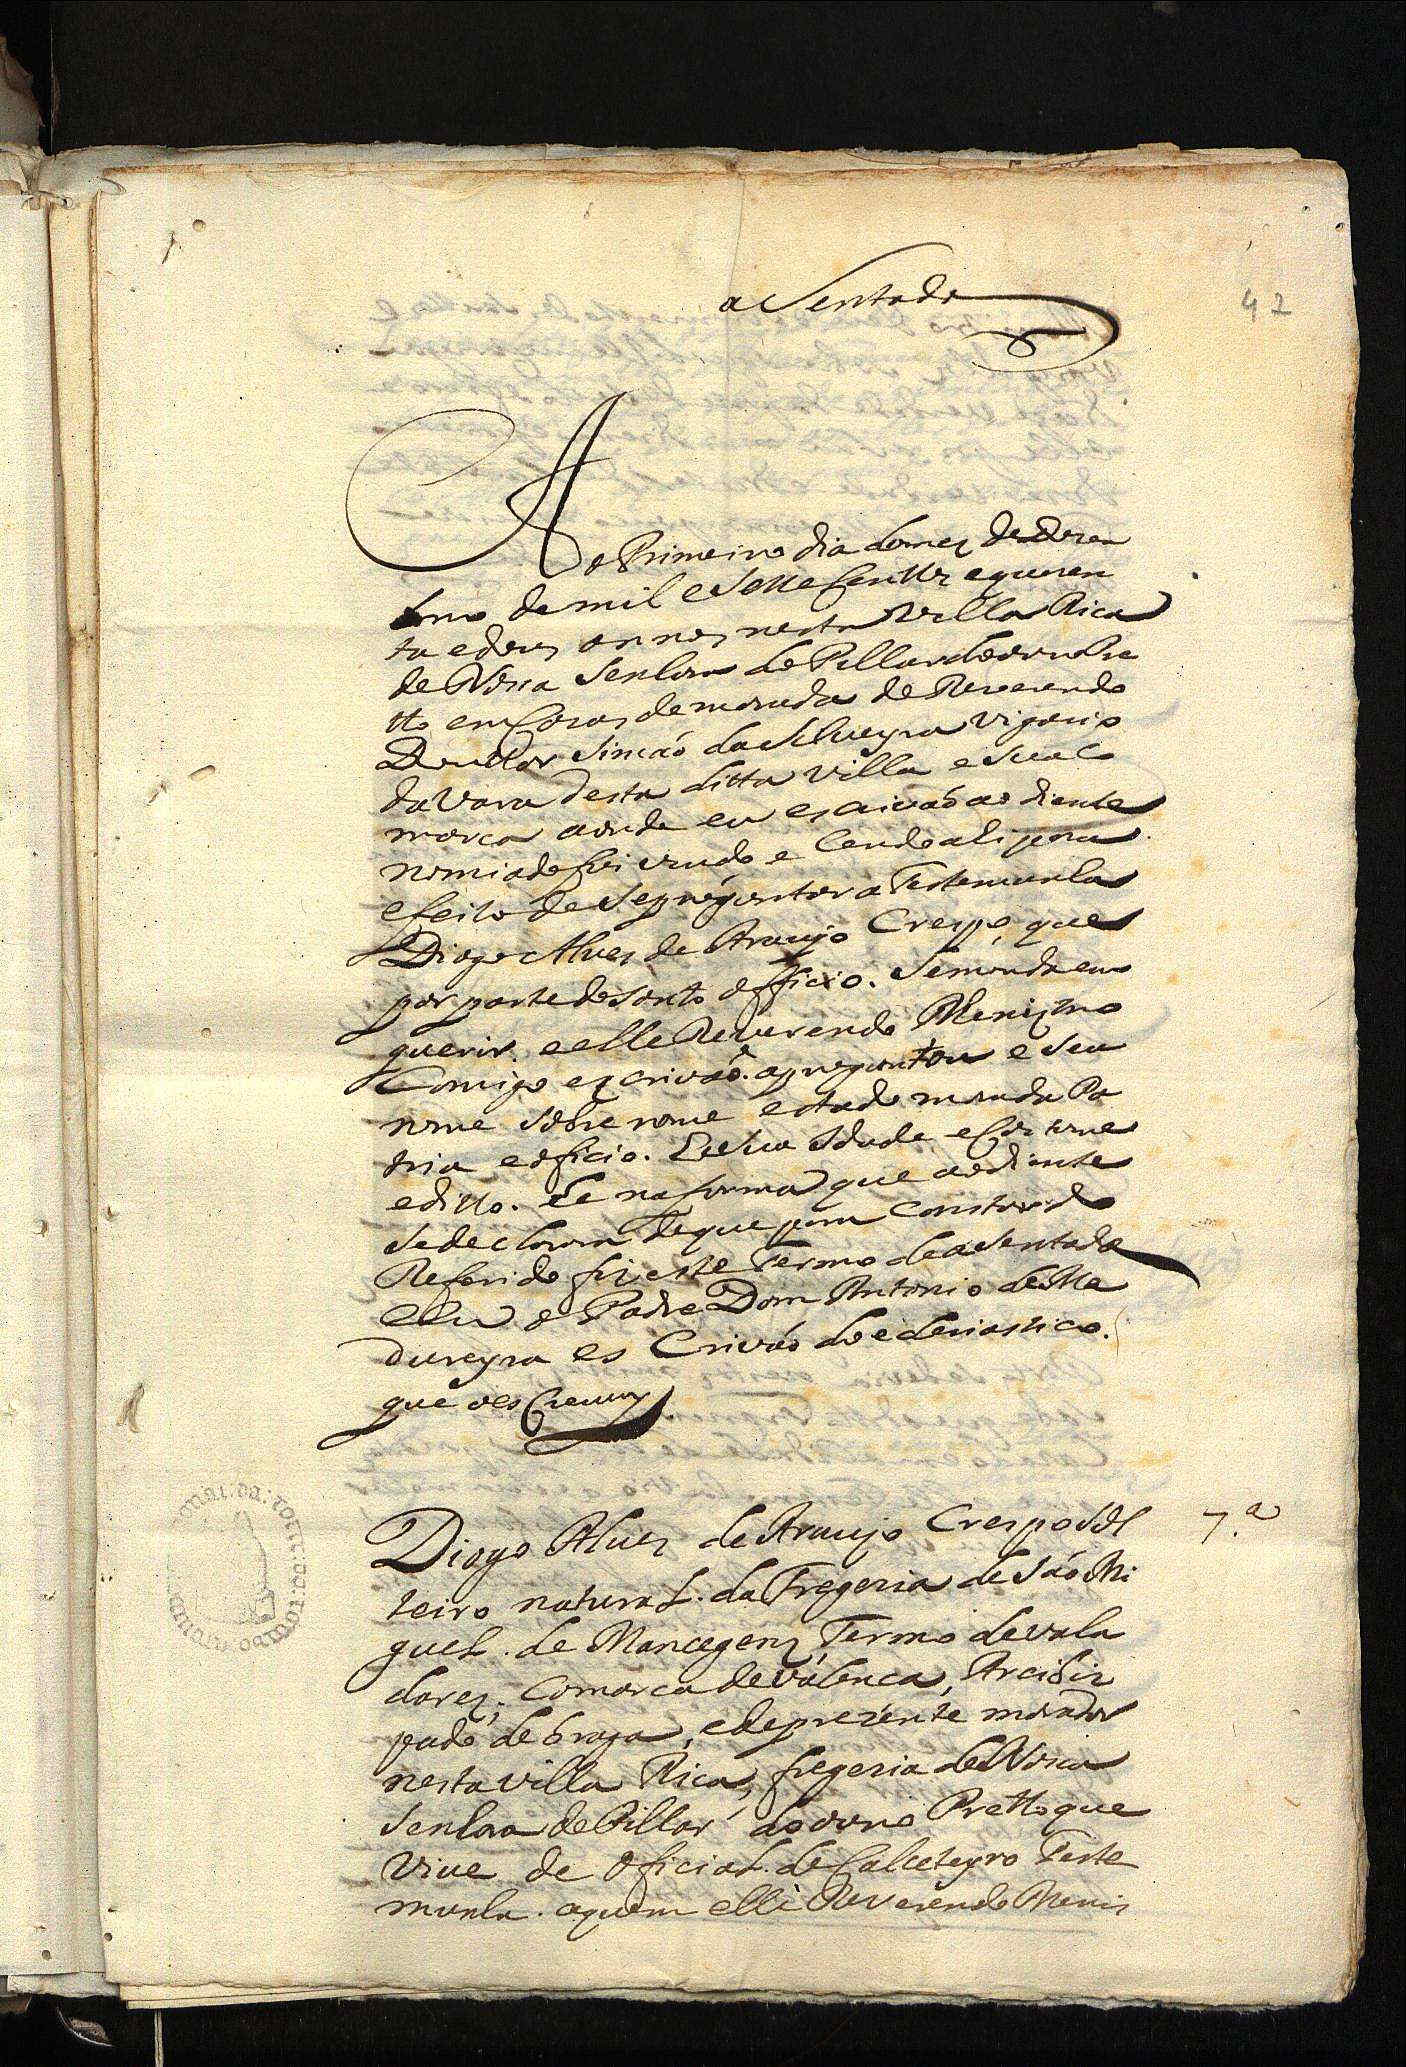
aSentada
Ao Primeiro dia do mez de Dezem
bro de mil e setteCenttoz e quaren
ta e dous annos nesta villa Rica
de Nossa Senhora do Pellar do ouro Pre
tto em Cazas de morada de Reverendo
Doutor Simaõ da Silueyra vigario
da vara desta ditta villa e sua co
marca aonde eu escrivaõ aodiante
nomiado foi vindo e cendo ahi pera
efeito de sepreguntar a Testemunha
Diogo Alves de Araujo Crespo, que
por parte do santo officio. Semanda em
querir. e elle Reverendo Menistro
Comigo escrivaõ a proguntou e seu
nome sobrenome estado morada Pa
tria e oficio. E sua Idade e Costume
e ditto. he na forma que ao diante
se declara de que para Constar do
Referido fis este Termo de asentada
e eu o Padre Dom Antonio de Ma
dureyra esCrivão do eclesiastico.
que o esCreuuy
Diogo Alues de Araujo Crespo sol
teiro naturaL. da Freguezia de Saõ Mi
guel de Mancegem, Termo de vala
dares; Comarca de valença, Arcebis
pado de braga, e de prezénte morador
nesta villa Rica, freguezia de Nossa
Senhora de Pillar do ouro Pretto que
viue de official de Calceteyro Teste
munha. a quel elle Reverendo Menis
7.a
